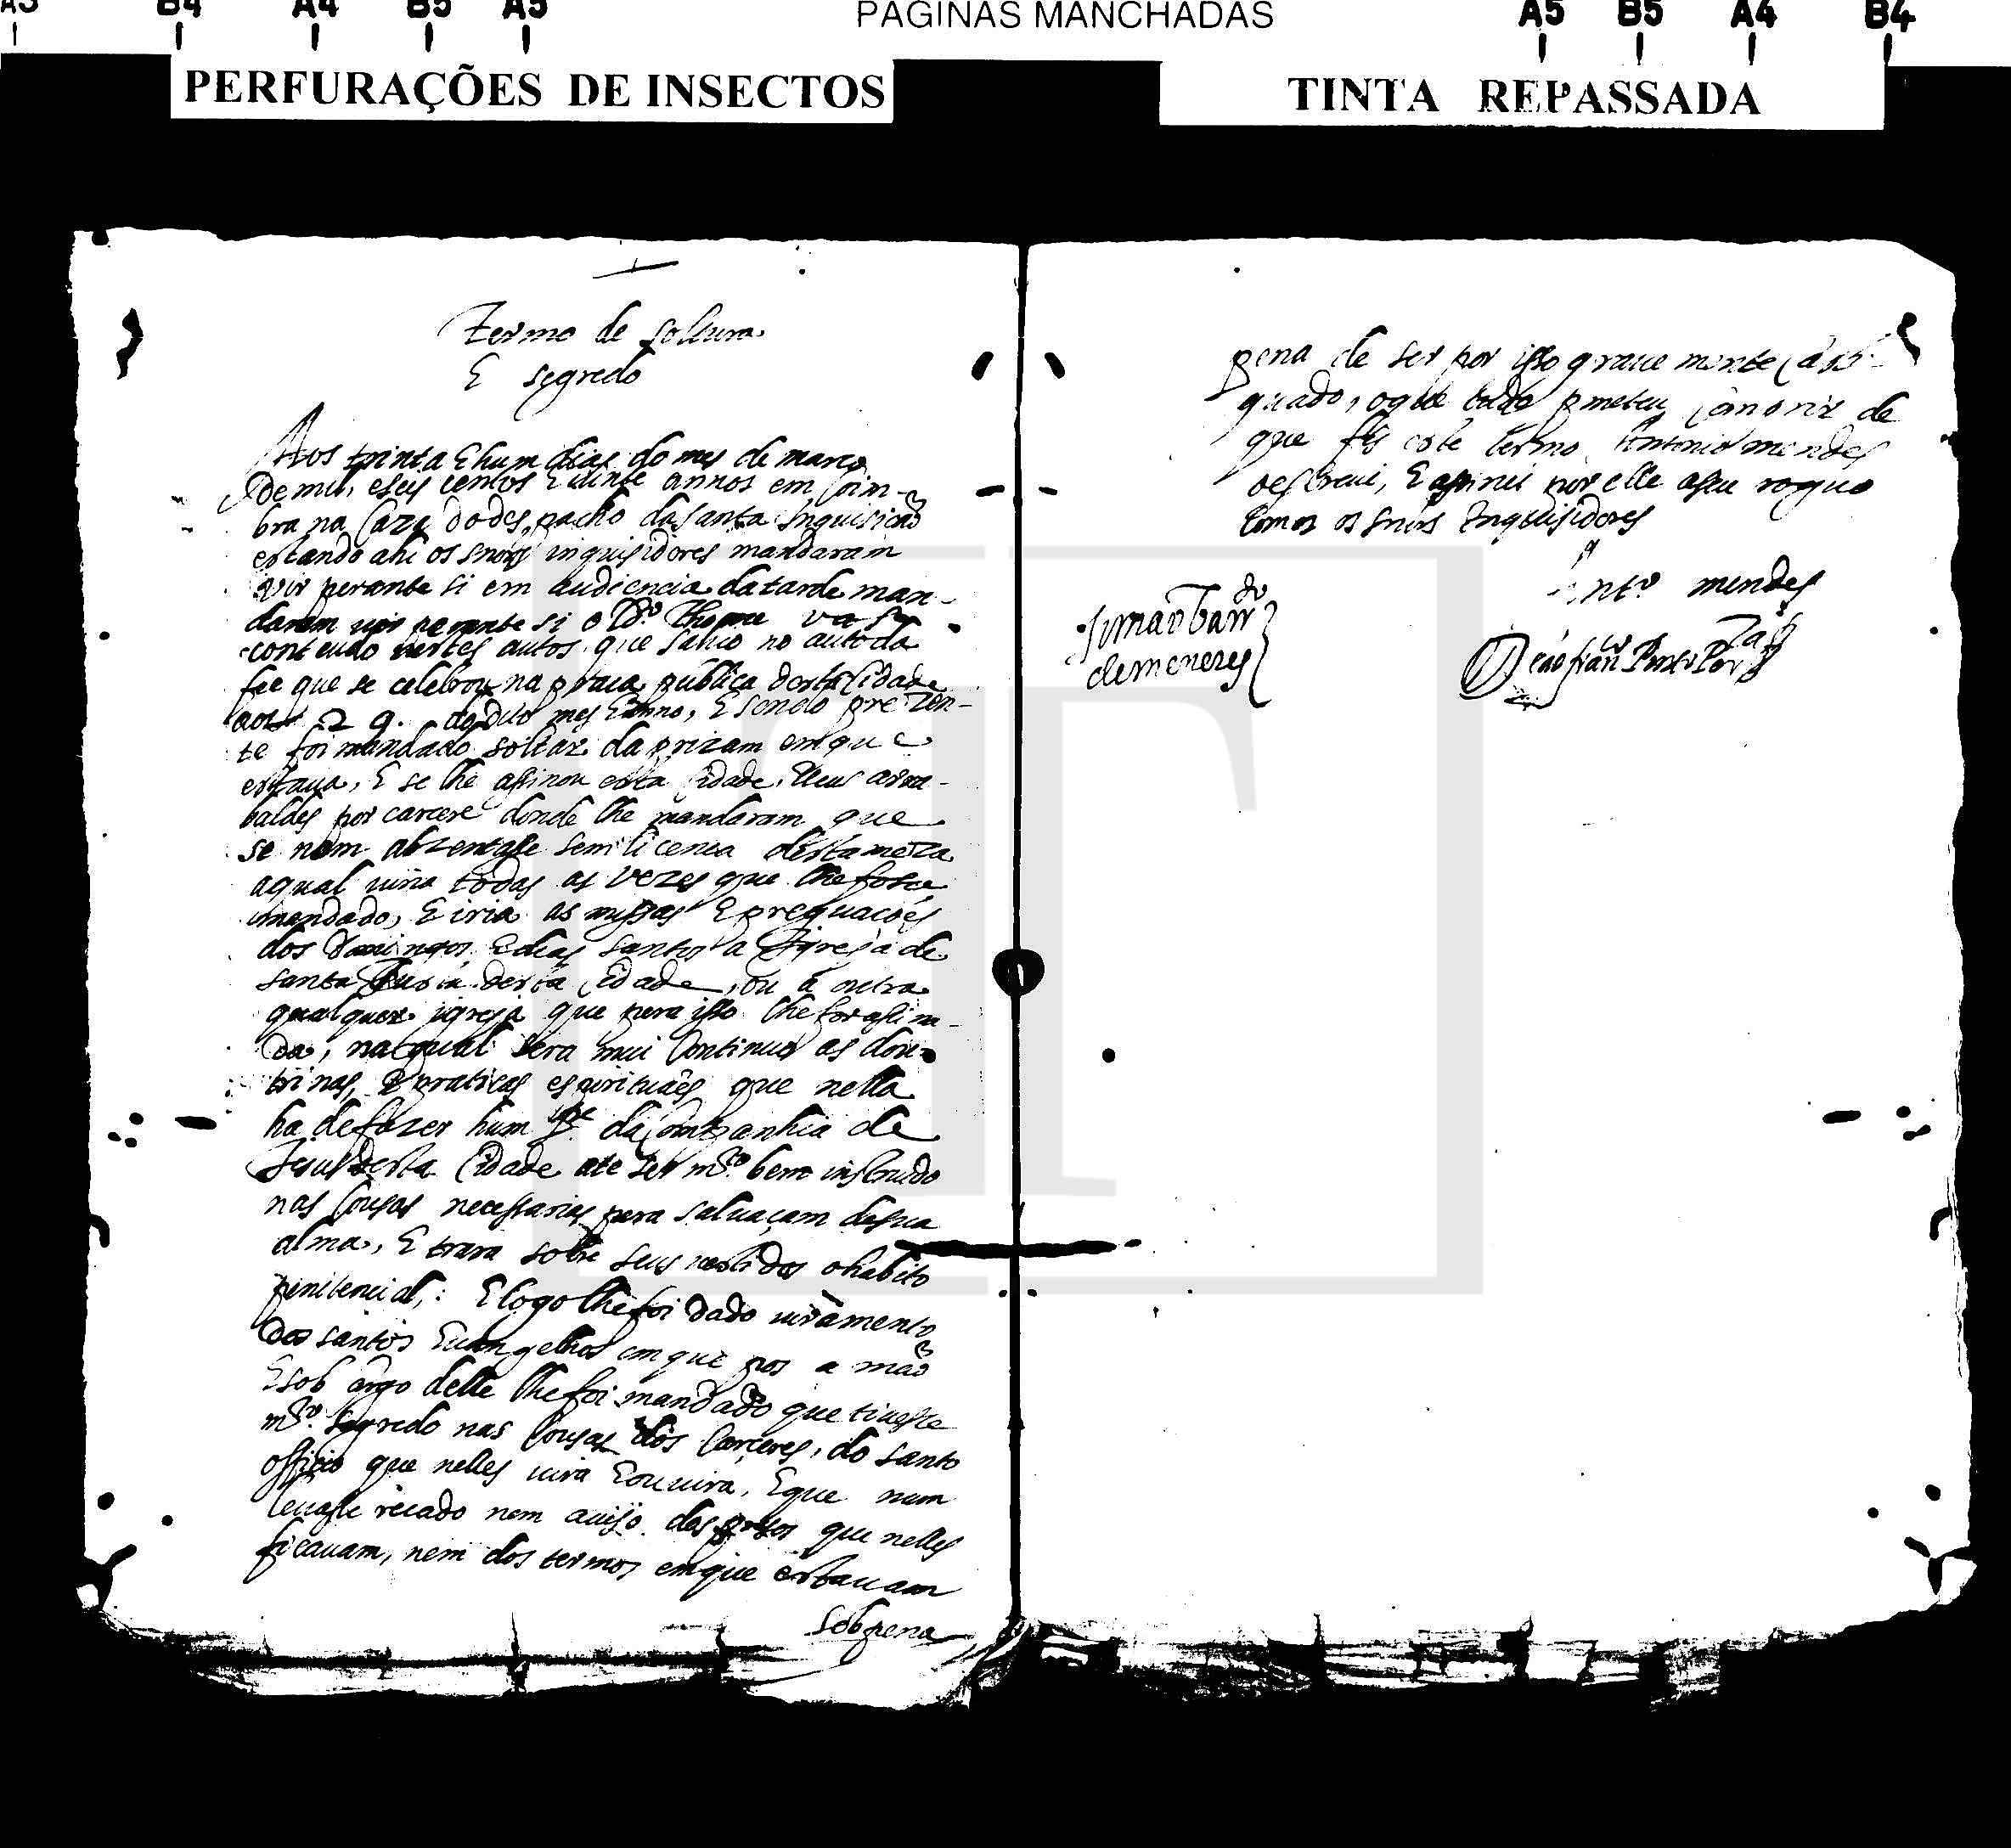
termo de soltura
E segredo
Aos trinta e hum dias do mes de marco
de mil, e seis centos e vinte annos em Coim
bra na Caza do despacho da Santa Inquisiçaõ
estando ahi os S.nor̄s inquisidores mandaram
vir perante si em audiencia da tarde man
daram uir perante si o L.do Thomé vas
conteudo nestes autos que sahio no auto da
fee que se celebrou na praça publica desta Cidade
aos 29. do dito mes e anno, e sendo prezen
te foi mandado soltar da prizam em que
estaua, e se lhe assinou esta Cidade, e seus arra
baldes por carcere donde lhe mandaram que
se nam abzentase sem licenca desta meza
a qual uiria todas as vezes que lhe fosse
mandado, e iria as missas e preguaçoẽs
dos domingos, e dias santos a Igreja de
Santa Iusta desta Cidade, ou a outra
qualquer igreja que pera isso lhe for asina
da, na qual sera mui continuo as dou
trinas e praticas espirituaes que nella
ha de fazer hum p.e da Companhia de
Jesus desta Cidade ate ser m.to bem instruido
nas Couzas necessarias pera saluaçam de sua
alma, E trara sobre seus uestidos o habito
pinitencial, E logo lhe foi dado iuramento
dos santos Evangelhos em que pos a maõ
E sob argo delle lhe foi mandado que tiuesse
m.to segredo nas Cousas dos Carçeres, do santo
officio que nelles uira e ouuira, e que nam
levasse recado nem auiso dos presos que nelles
ficauam, nem dos termos em que estauam
sob pena
